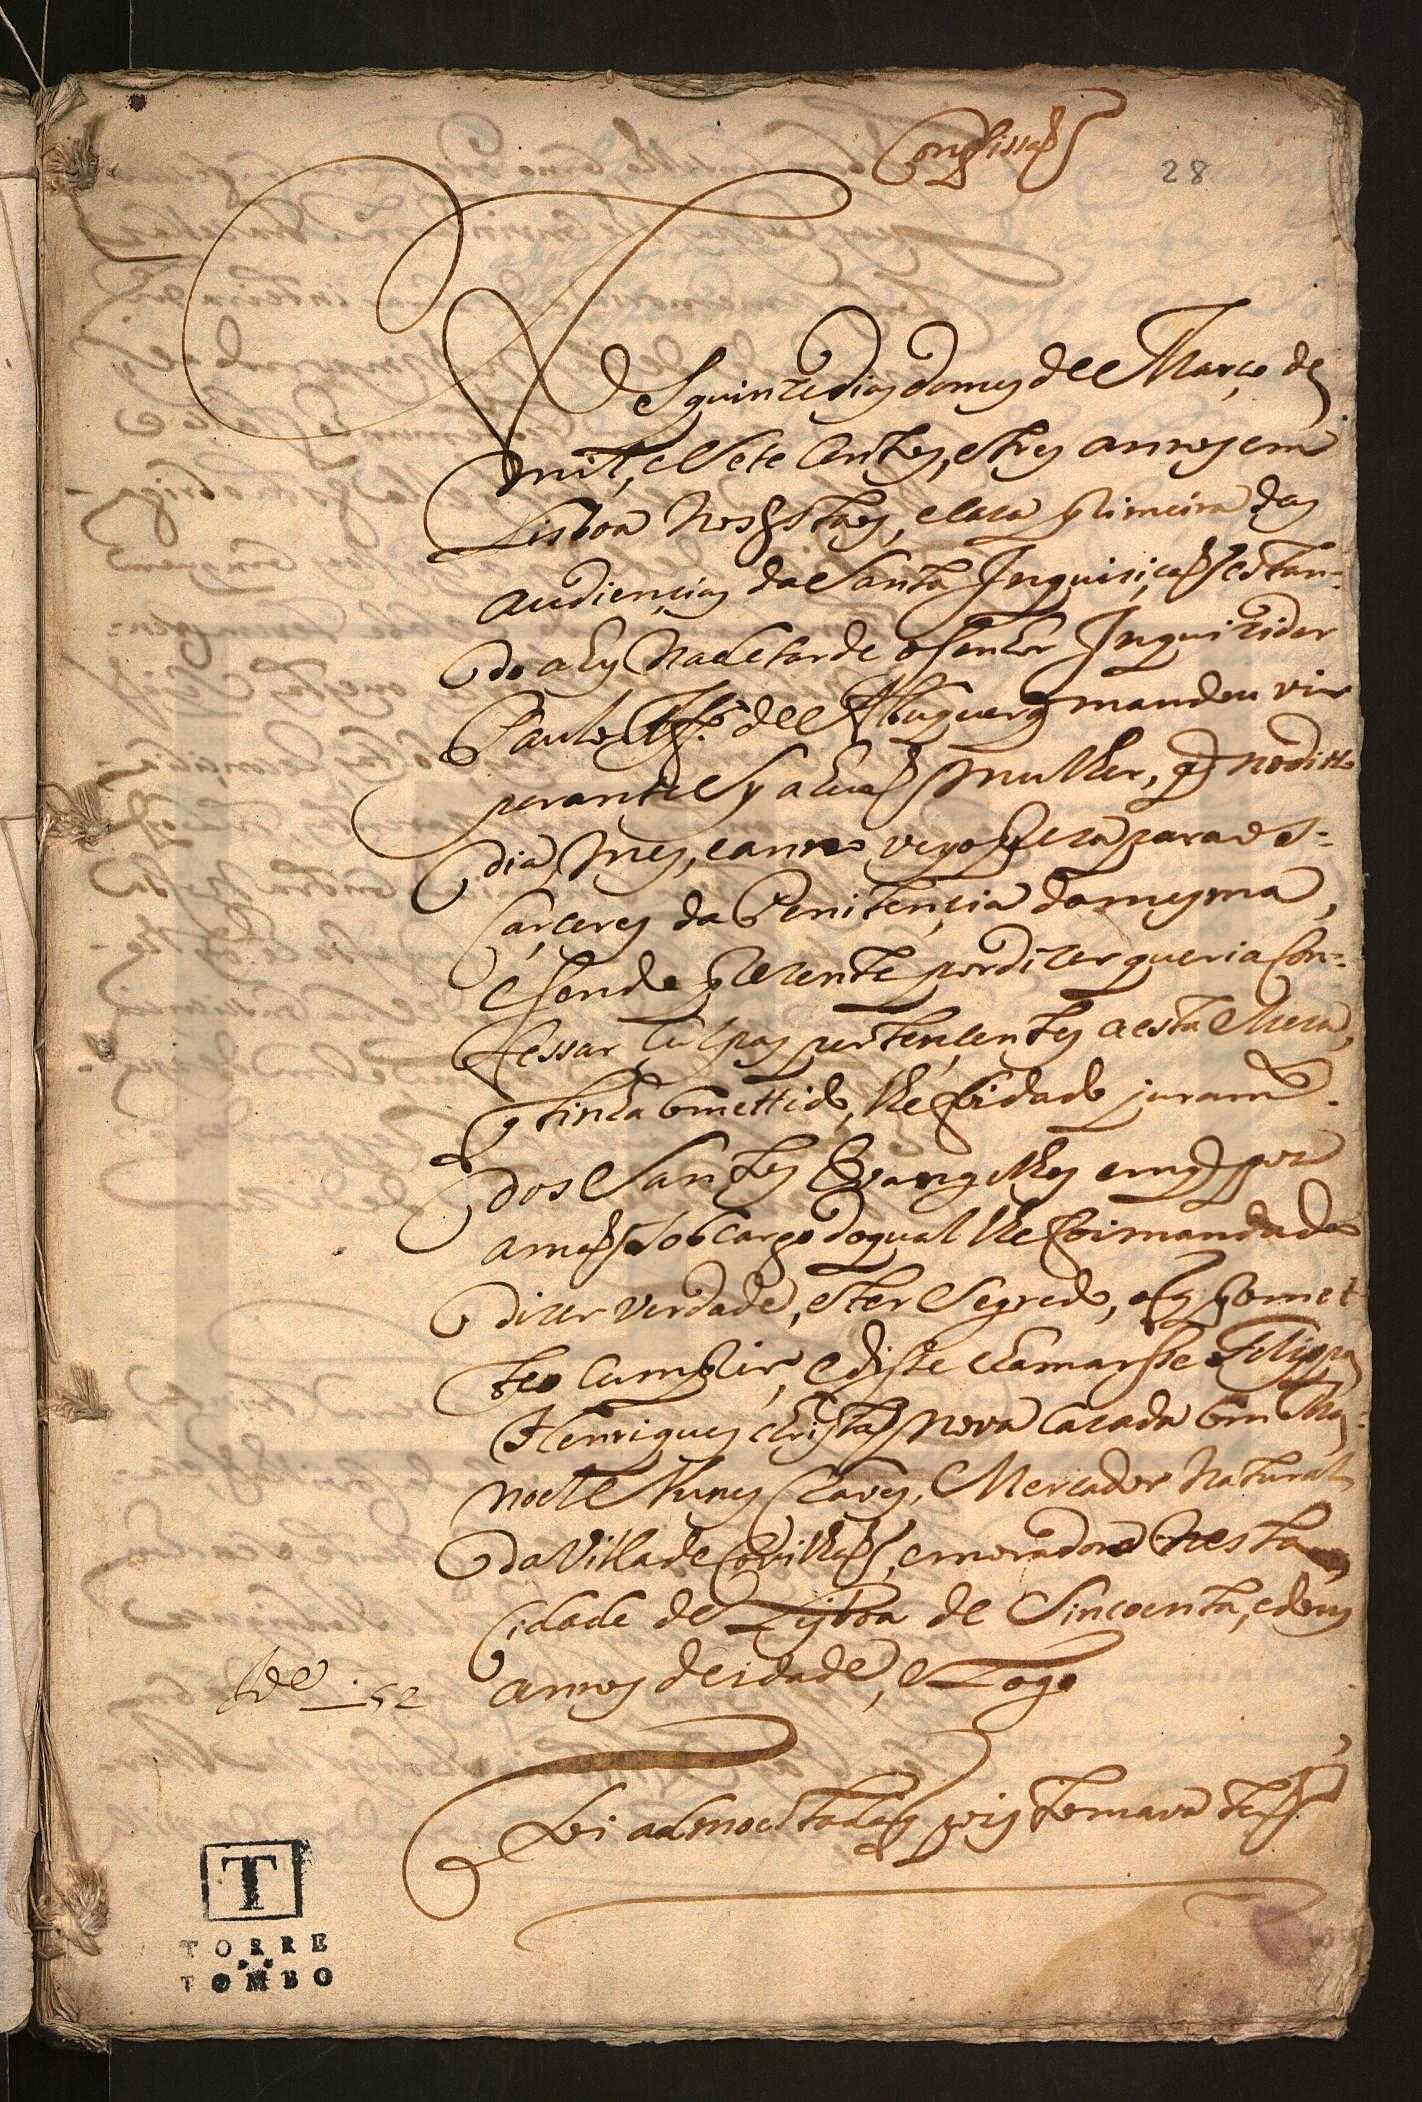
Jde. 52
Confissaõ
Aos quinze dias do mes de Março de
mil, e SeteCentos, e tres annos em
Lisboa nos estaos, e caza primeira das
audiençias da Santa Jnquisiçaõ estan
do ahy na de tarde o senhor Jnquizidor
Paulo Aff.o de Albuquerq̄ mandou vir
perante Sy a huā mulher, q̄ no ditto
dia, mes, e anno o veyo preza para os
Carçeres da Penitençia da mesma,
e sendo prezente por dizer queria Con
fessar culpas pertençentes a esta Mesa,
q̄ tinha comettido, lhe foi dado juramto.
dos Santos Evangelhos em q̄ poz
a maõ sob cargo do qual lhe foi mandado
dizer verdade, e ter Segredo, o q̄ promet
teo cumprir, e disse chamarsse Felippa
Henriques christã nova Cazada Com Ma
noel Nunes Chaves, Mercador natural
da Villa de Covilhã, e moradora nesta
Cidade de Lisboa de Sincoenta, e dous
annos de idade, e Logo
Foi admoestada q̄ pois tomava taõ
